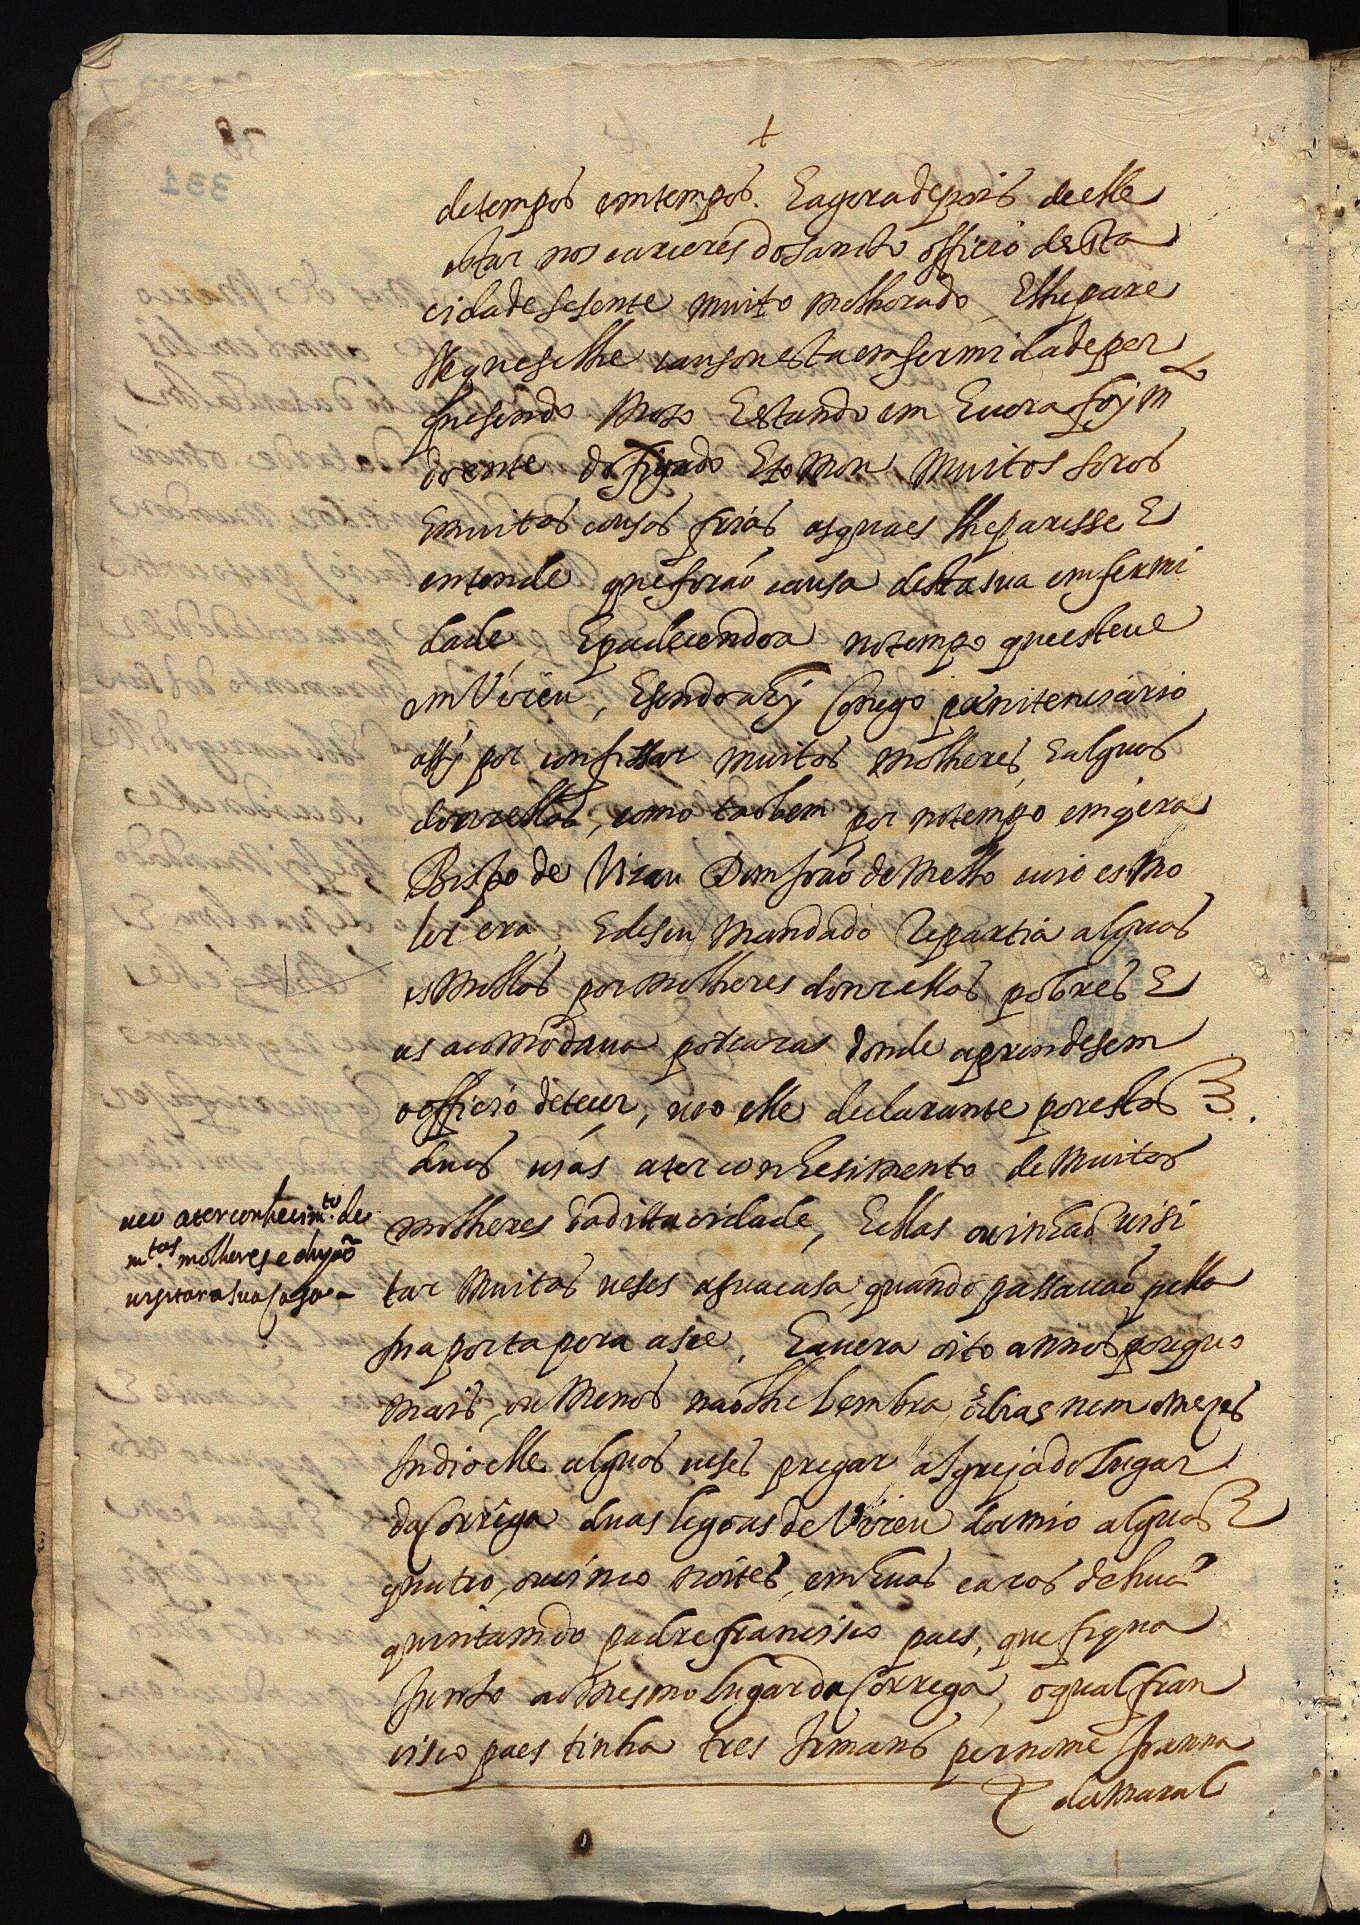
de tempos em tempos. E agora depois de elle
estar nos carceres do Sancto officio desta
cidade se sente muito melhorado, e lhe pare
sse que se lhe causou esta emfermidade per
que sendo moso estando em Evora foy m. to
doente do figado e tomou muitos soros
e muitas cousas frias as quaes lhe paresse e
entende que foraõ causa desta sua emfermi
dade e padecendo a no tempo que esteve em
em Vízeu, e sendo ahy Conego penitenciario
assy por confissar muitas molheres, e alguas
donzellas, como tãobem por no tempo em q̄ era
Bispo de Vízeu Dom João de Mello cujo esmo
ler era, e de seu mandado repartia algūas
esmollas por molheres donzellas pobres e
as acomodava por cazas donde aprendesem
o officio de teçer, veo elle declarante por estas
duas vías a ter conhecimento de muitas
molheres da ditta cidade, e ellas o vinhão visi
tar muitas veses a sua casa, quando passavão pella
sua porta pera a see, e avera oito annos pouquo
mais, ou menos não lhe lembra os dias nem meses
Indio elle alguas veses pregar a Igreja do Lugar
da Corrêga duas legoas de Vízeu dormio algūas
quatro, ou cinco noites em hūas cazas de hūa
quintam do padre Francisco paes, que fiqua
Junto ao mesmo Lugar da Corrêga, o qual Fran
cisco paes tinha tres Irmãns per nome Joanna
damaral
